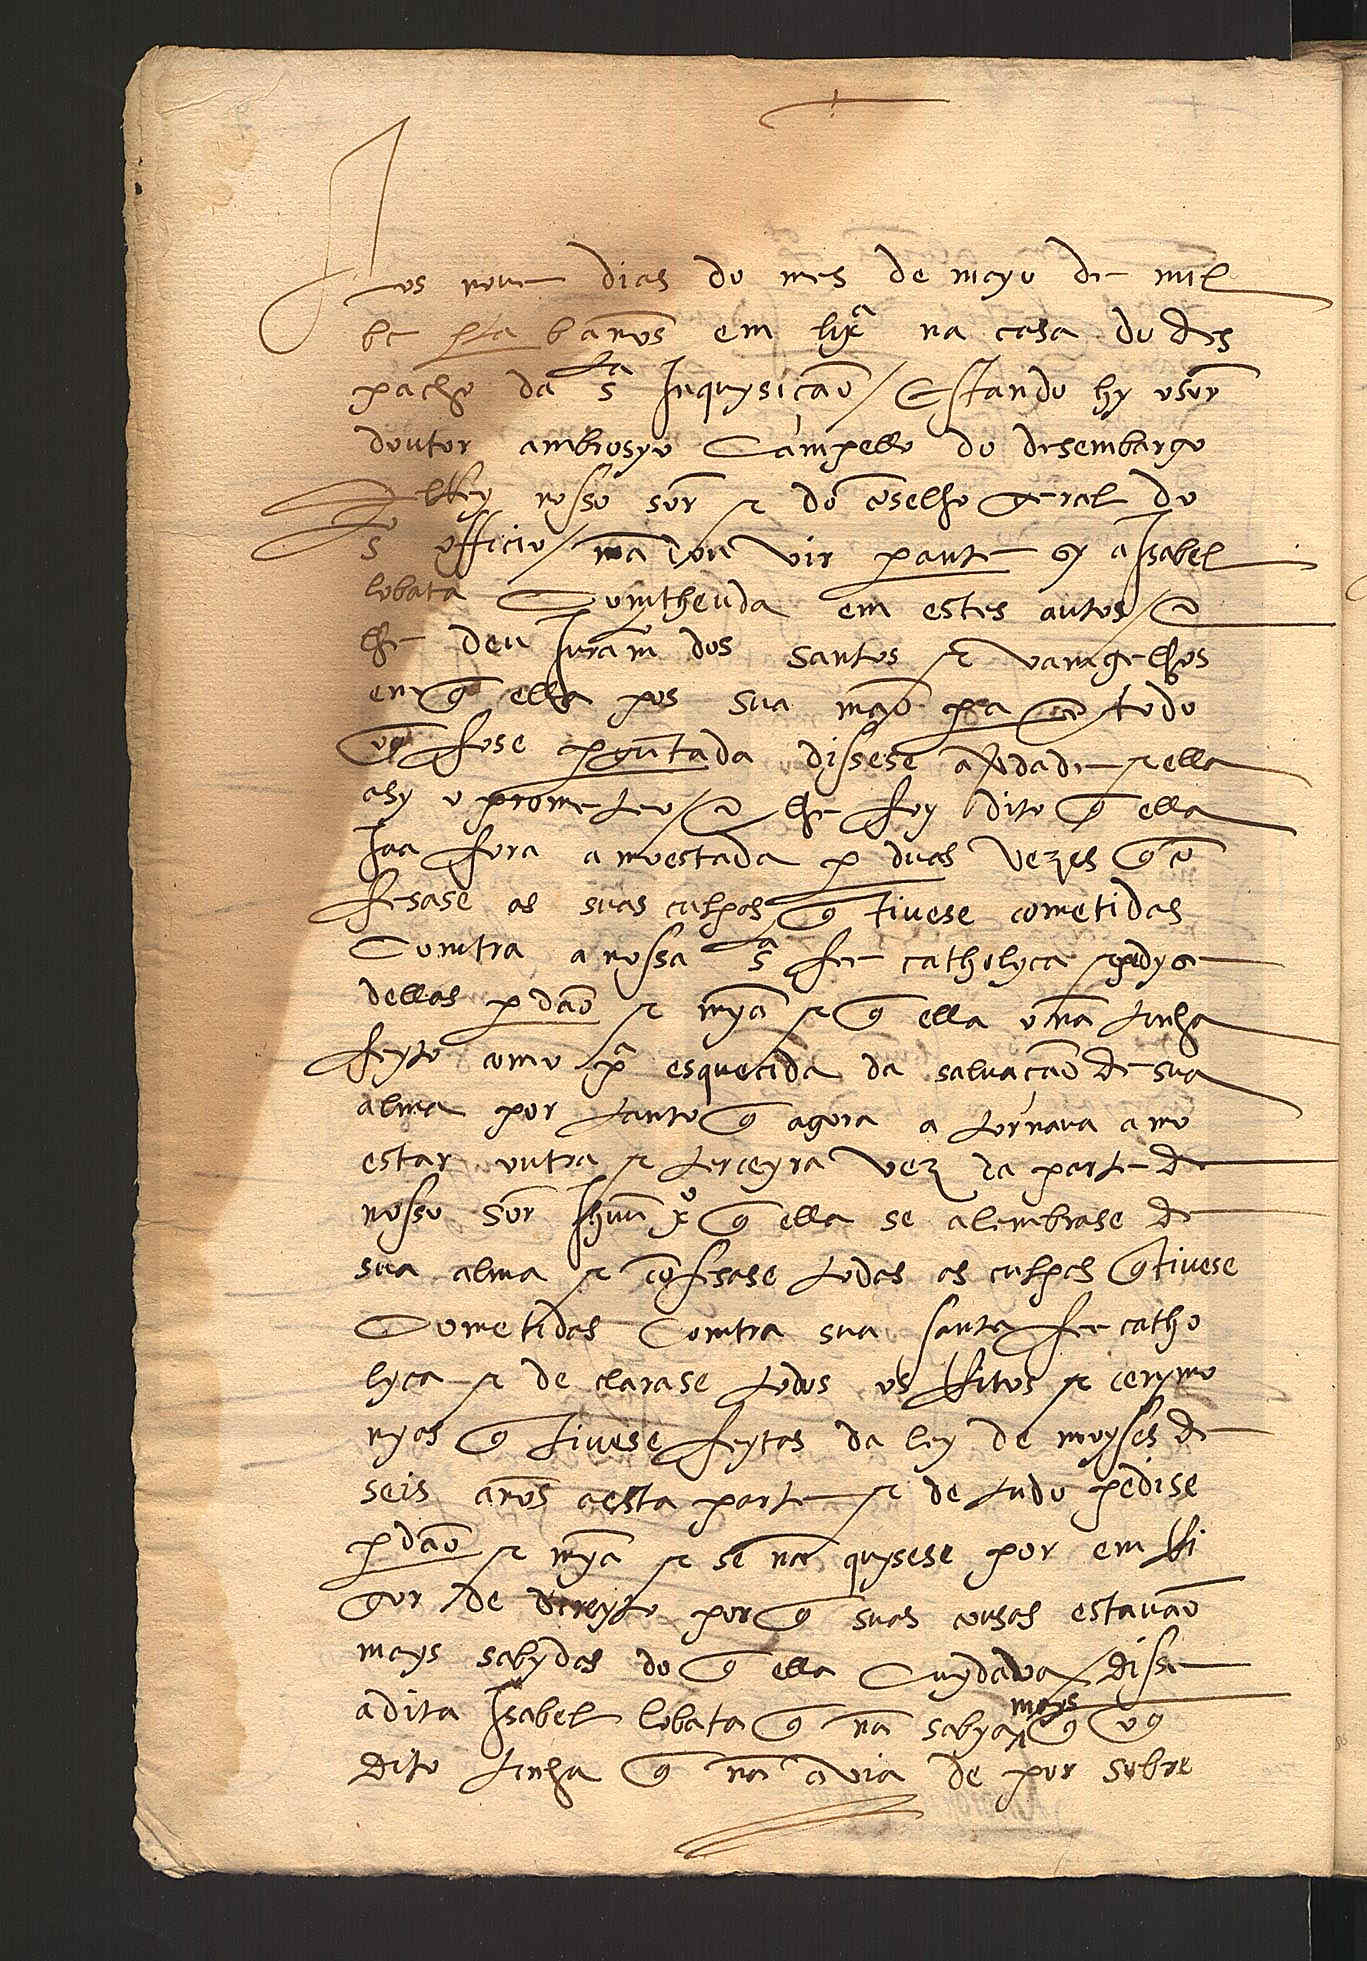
Aos noue dias do mes de mayo de mil
bc Lta b a̅nos em lixa na casa do des
pacho da sta Jnquysição / Estando hy o s̅or
doutor ambrosyo Campello do desembargo
del Rey nosso so̅r e do c̅oselho geral do
sto officio / m̅adou vir ꝑante sy a Jsabel
lobata Comtheuda em estes autos / e
lhe deu Juramto dos santos evamgelhos
em q̅ ella pos sua mão ꝑa e̅ todo
o q̅ fose ꝑ gu̅tada dissese a ꝟdade e ella
asy o prometeo / e lhe foy dito q̅ ella
Jaa fora amoestada ꝑ duas vezes q̅ c̅o
fesase as suas culpas q̅ tiuese cometidas
Comtra a nossa sta fee catholyca e pedyse
dellas ꝑdão e my̅a e q̅ ella o n̅a tinha
feyto como pa esquecida da saluação de sua
alma por tanto q̅ agora a tornaua amo
estar outra e terceyra vez da parte de
nosso so̅r Jhu̅u xo q̅ ella se alembrase de
sua alma e c̅ofesase todas culpas q̅ tiuese
cometidas comtra sua santa fee catho
lyca e declarase todos os Ritos e cerymo
nyas q̅ tiuese feytas da ley de moyses de
seis a̅nos a esta parte e de tudo pedise
ꝑdão e my̅a e se n̅a quysese por em Ri
gor de direyto porq̅ suas cousas estauão
mays sabydas do q̅ ella cuydava disse
a dita Jsabel lobata q̅ n̅a sabya
mays
q̅ o q̅
Dito tinha q̅ n̅a avia de por sobre
